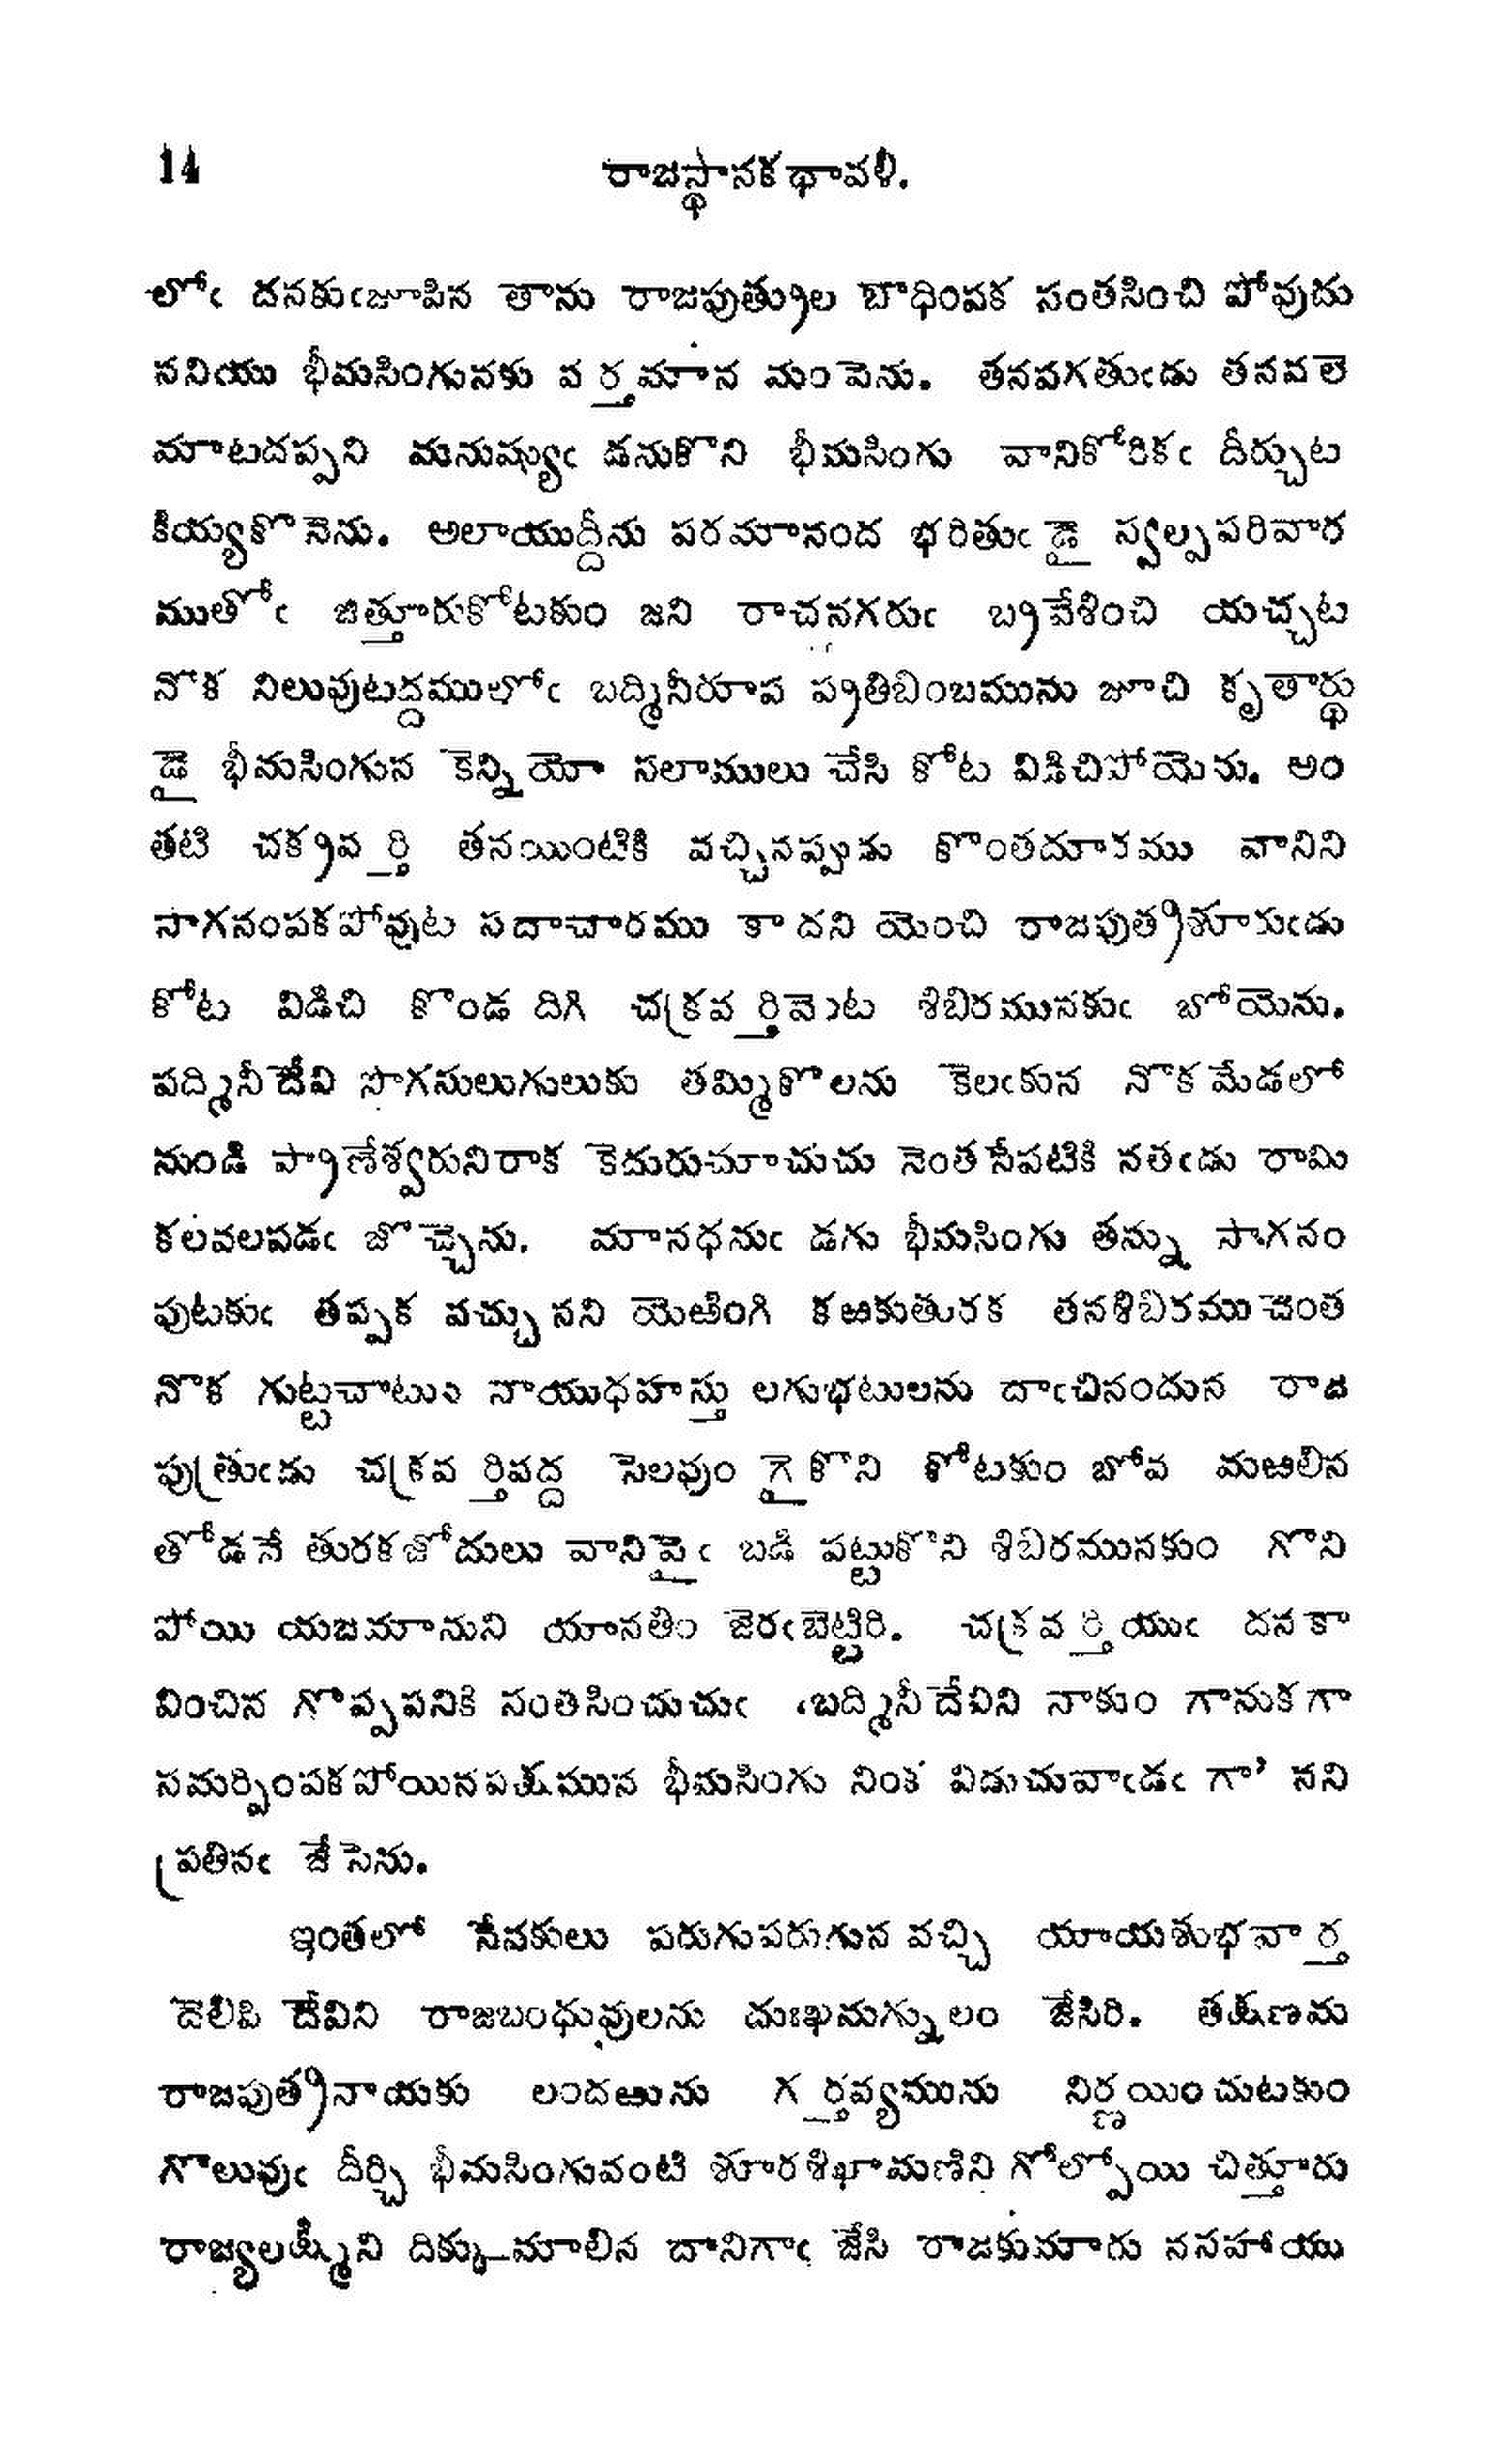లోఁ దనకుఁజూపిన తాను రాజపుత్రుల బాధింపక సంతసించి పోవుదు ననియు భీమసింగునకు వర్తమాన మంపెను. తనపగతుఁడు తనవలె మాటదప్పని మనుష్యుఁ డనుకొని భీమసింగు వానికోరికఁ దీర్చుట
కియ్యకొనెను. అలాయుద్దీను పరమానంద భరితుఁడై స్వల్ప పరివారముతోఁ జిత్తూరుకోటకుం జని రాచనగరుఁ బ్రవేశించి యచ్చట నోక నిలువుటద్దములోఁ బద్మినీరూప ప్రతిబింబమును జూచి కృతార్థుడై భీమసింగున కెన్నియో సలాములు చేసి కోట విడిచిపోయెను. అంతటి చక్రవర్తి తనయింటికి వచ్చినప్పుడు కొంతదూరము వానిని సాగనంపక పోవుట సదాచారము కాదని యెంచి రాజపుత్రశూరుఁడు కోట విడిచి కొండ దిగి చక్రవర్తి వెంట శిబిరమునకుఁ బోయెను. పద్మినీ దేవి సొగసులుగులుకు తమ్మికొలను కెలఁకున నొక మేడలో నుండి ప్రాణేశ్వరునిరాక కెదురుచూచుచు నెంత సేపటికి నతఁడు రామి కలవలపడఁ జొచ్చెను. మానధనుఁ డగు భీమసింగు తన్ను సాగనంపుటకుఁ తప్పక వచ్చునని యెఱింగి కఱకుతురక తనశిబిరము చెంత నొక గుట్టచాటున నాయుధహస్తు లగుభటులను దాఁచినందున రాజపుత్రుఁడు చక్రవర్తివద్ద సెలవుం గైకొని కోటకుం బోవ మఱలిన తోడనే తురక జోదులు వానిపైఁ బడి పట్టుకొని శిబిరమునకుం గోని పోయి యజమానుని యానతిం, జెరఁబెట్టిరి. చక్రవర్తి యుఁ దనకావించిన గొప్పపనికి సంతసించుచుఁ బద్మినీదేవిని నాకుం గానుక గా
సమర్పింపక పోయిన పక్షమున భీమసింగు నింక' విడుచువాఁడఁ గా' నని ప్రతినఁ జేసెను.

ఇంతలో నేవకులు పరుగుపరుగున వచ్చి యాయశుభవార్త దెలిపి దేవిని రాజబంధువులను దుఃఖనుగ్ను లం జేసిరి. తక్షణమ రాజపుత్ర నాయకు లందఱును గర్తవ్యమును నిర్ణయిం చుటకుం గొలువుఁ దీర్చి భీమసింగువంటి శూర శిఖామణిని గోల్పోయి చిత్తూరు రాజ్యలక్ష్మిని దిక్కుమాలిన దానిగాఁ జేసి రాజకుమారు నసహాయు